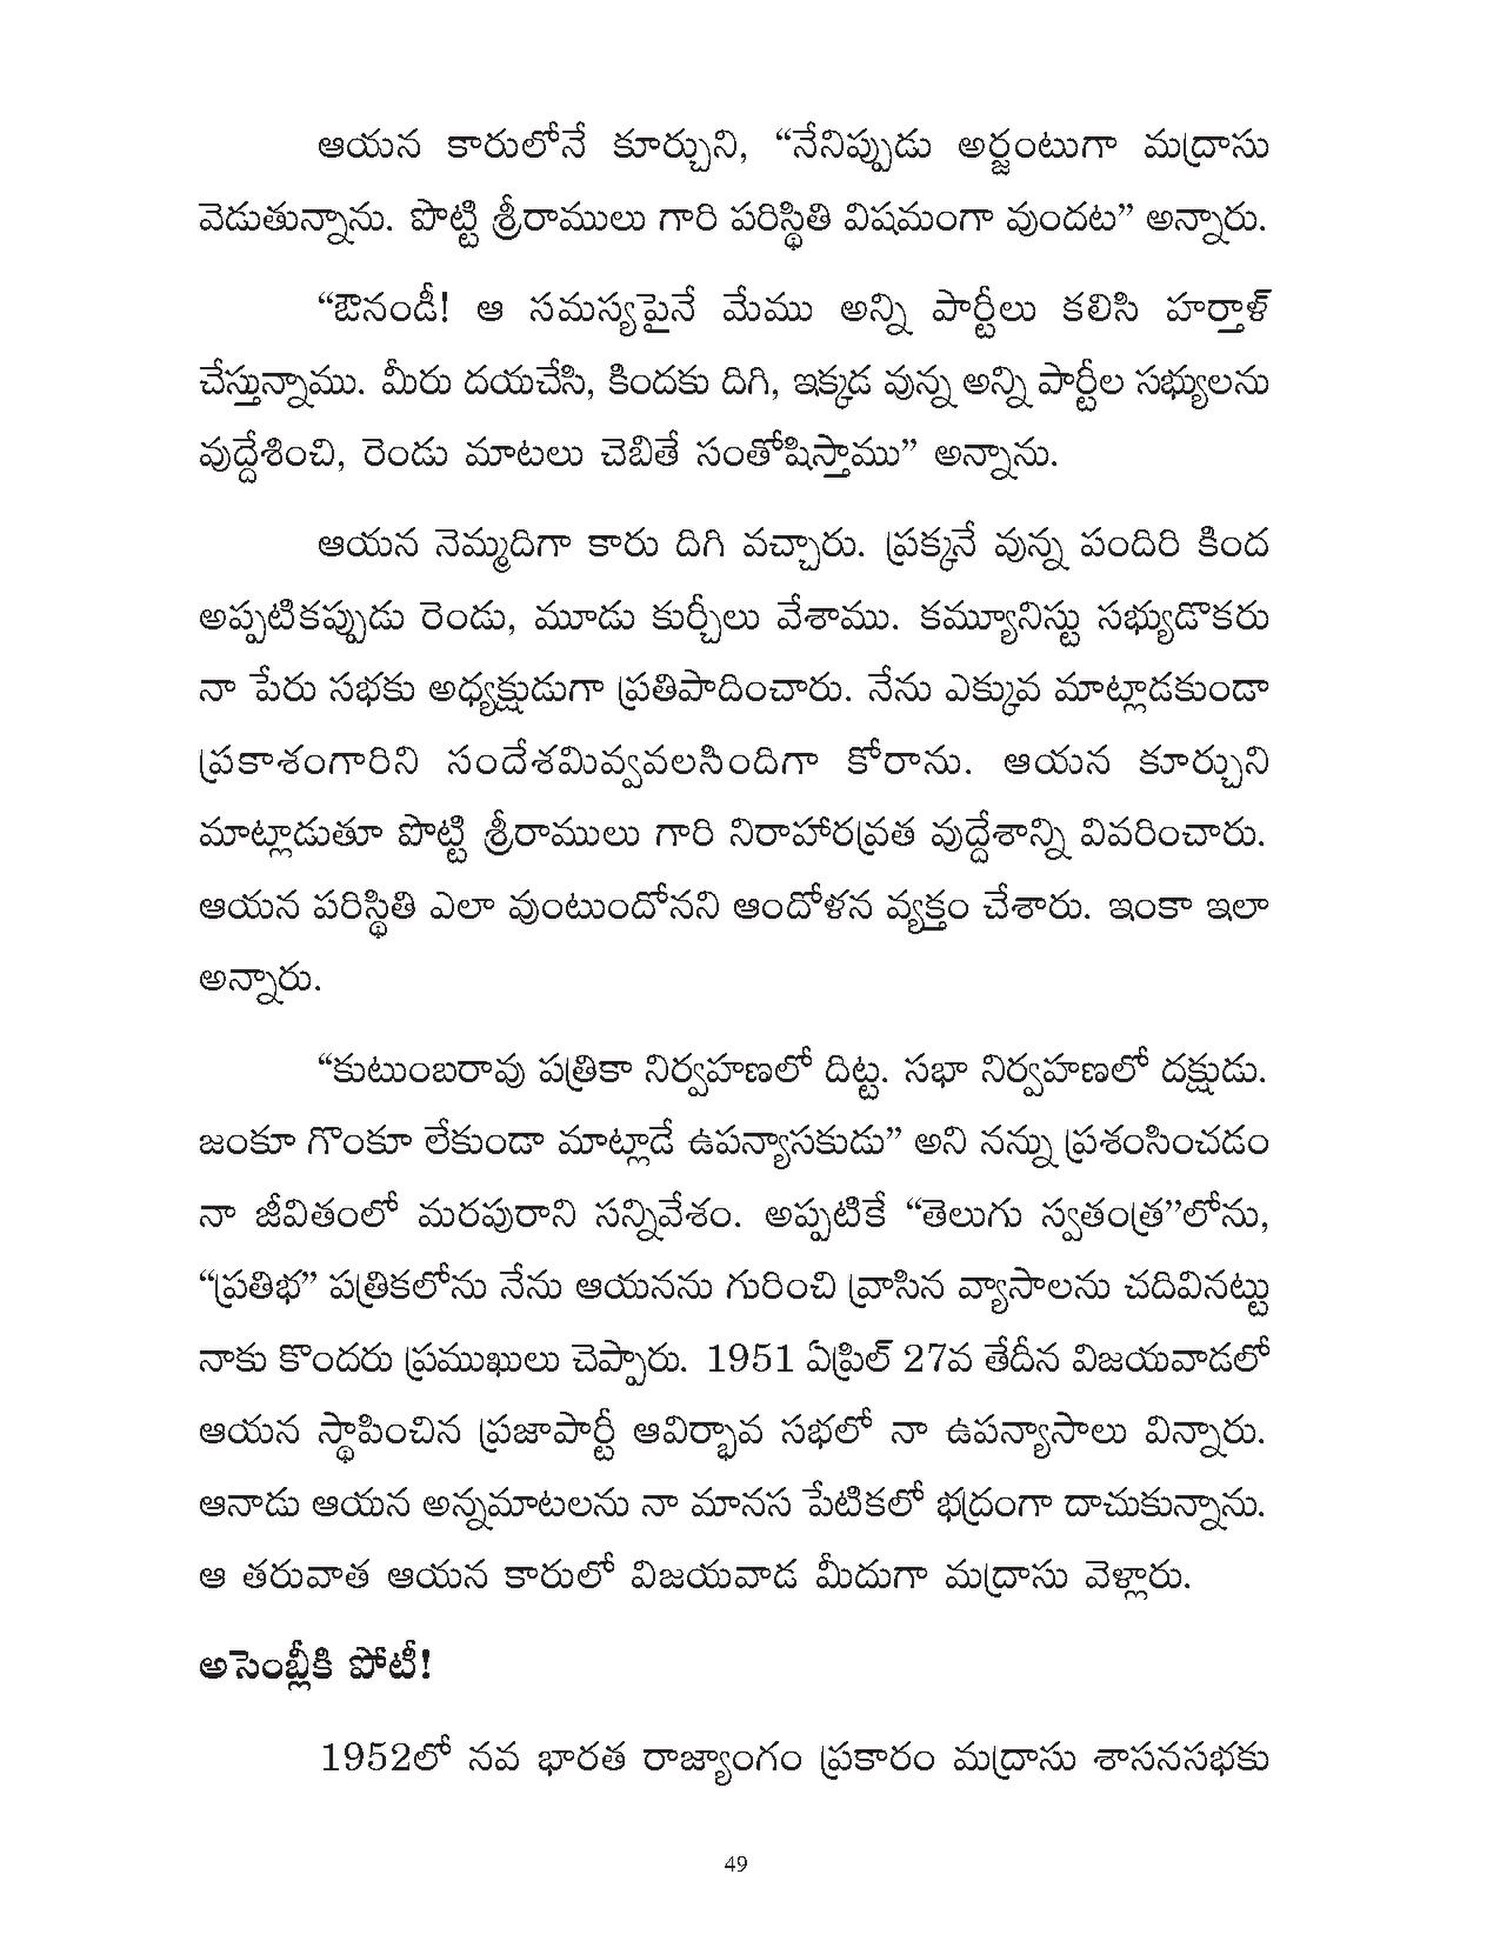ఆయన కారులోనే కూర్చుని, "నేనిప్పుడు అర్జంటుగా మద్రాసు
వెడుతున్నాను. పొట్టి శ్రీరాములు గారి పరిస్థితి విషమంగా వుందట" అన్నారు.

"ఔనండీ! ఆ సమస్యపైనే మేము అన్ని పార్టీలు కలిసి హర్తాళ్‌
చేస్తున్నాము. మీరు దయచేసి, కిందకు దిగి, ఇక్కడ వున్న అన్ని పార్టీల సభ్యులను
వుద్దేశించి, రెండు మాటలు చెబితే సంతోషిస్తాము" అన్నాను.

ఆయన నెమ్మదిగా కారు దిగి వచ్చారు. ప్రక్కనే వున్న పందిరి కింద
అప్పటికప్పుడు రెండు, మూడు కుర్చీలు వేశాము. కమ్యూనిస్టు సభ్యుడొకరు
నా పేరు సభకు అధ్యక్షుడుగా ప్రతిపాదించారు. నేను ఎక్కువ మాట్లాకుండా
ప్రకాశంగారిని సందేశమివ్వవలసిందిగా కోరాను. ఆయన కూర్చుని
మాట్లాడుతూ పొట్టి శ్రీరాములు గారి నిరాహారవ్రత వుద్దేశాన్ని వివరించారు.
ఆయన పరిస్థితి ఎలా వుంటుందోనని ఆందోళన వ్యక్తం చేశారు. ఇంకా ఇలా
అన్నారు.

"కుటుంబరావు పత్రికా నిర్వహణలో దిట్ట. సభా నిర్వహణలో దక్షుడు.
జంకూ గొంకూ లేకుండ మాట్లాడే ఉపన్యాసకుడు" అని నన్ను ప్రశంసించం
నా జీవితంలో మరపురాని సన్నివేశం. అప్పటికే "తెలుగు స్వతంత్ర"లోను,
"ప్రతిభ" పత్రికలోను నేను ఆయనను గురించి వ్రాసిన వ్యాసాలను చదివినట్టు
నాకు కొందరు ప్రముఖులు చెప్పారు. 1951 ఏప్రిల్‌ 27వ తేదీన విజయవాడలో
ఆయన స్థాపించిన ప్రజాపార్టీ ఆవిర్భావ సభలో నా ఉపన్యాసాలు విన్నారు.
ఆనాడు ఆయన అన్నమాటలను నా మానస పేటికలో భద్రంగా దాచుకున్నాను.
ఆ తరువాత ఆయన కారులో విజయవాడ మీదుగా మద్రాసు వెళ్లారు.

అసెంబ్లీకి పోటీ!

1952లో నవ భారత రాజ్యాంగం ప్రకారం మద్రాసు శాసనసభకు